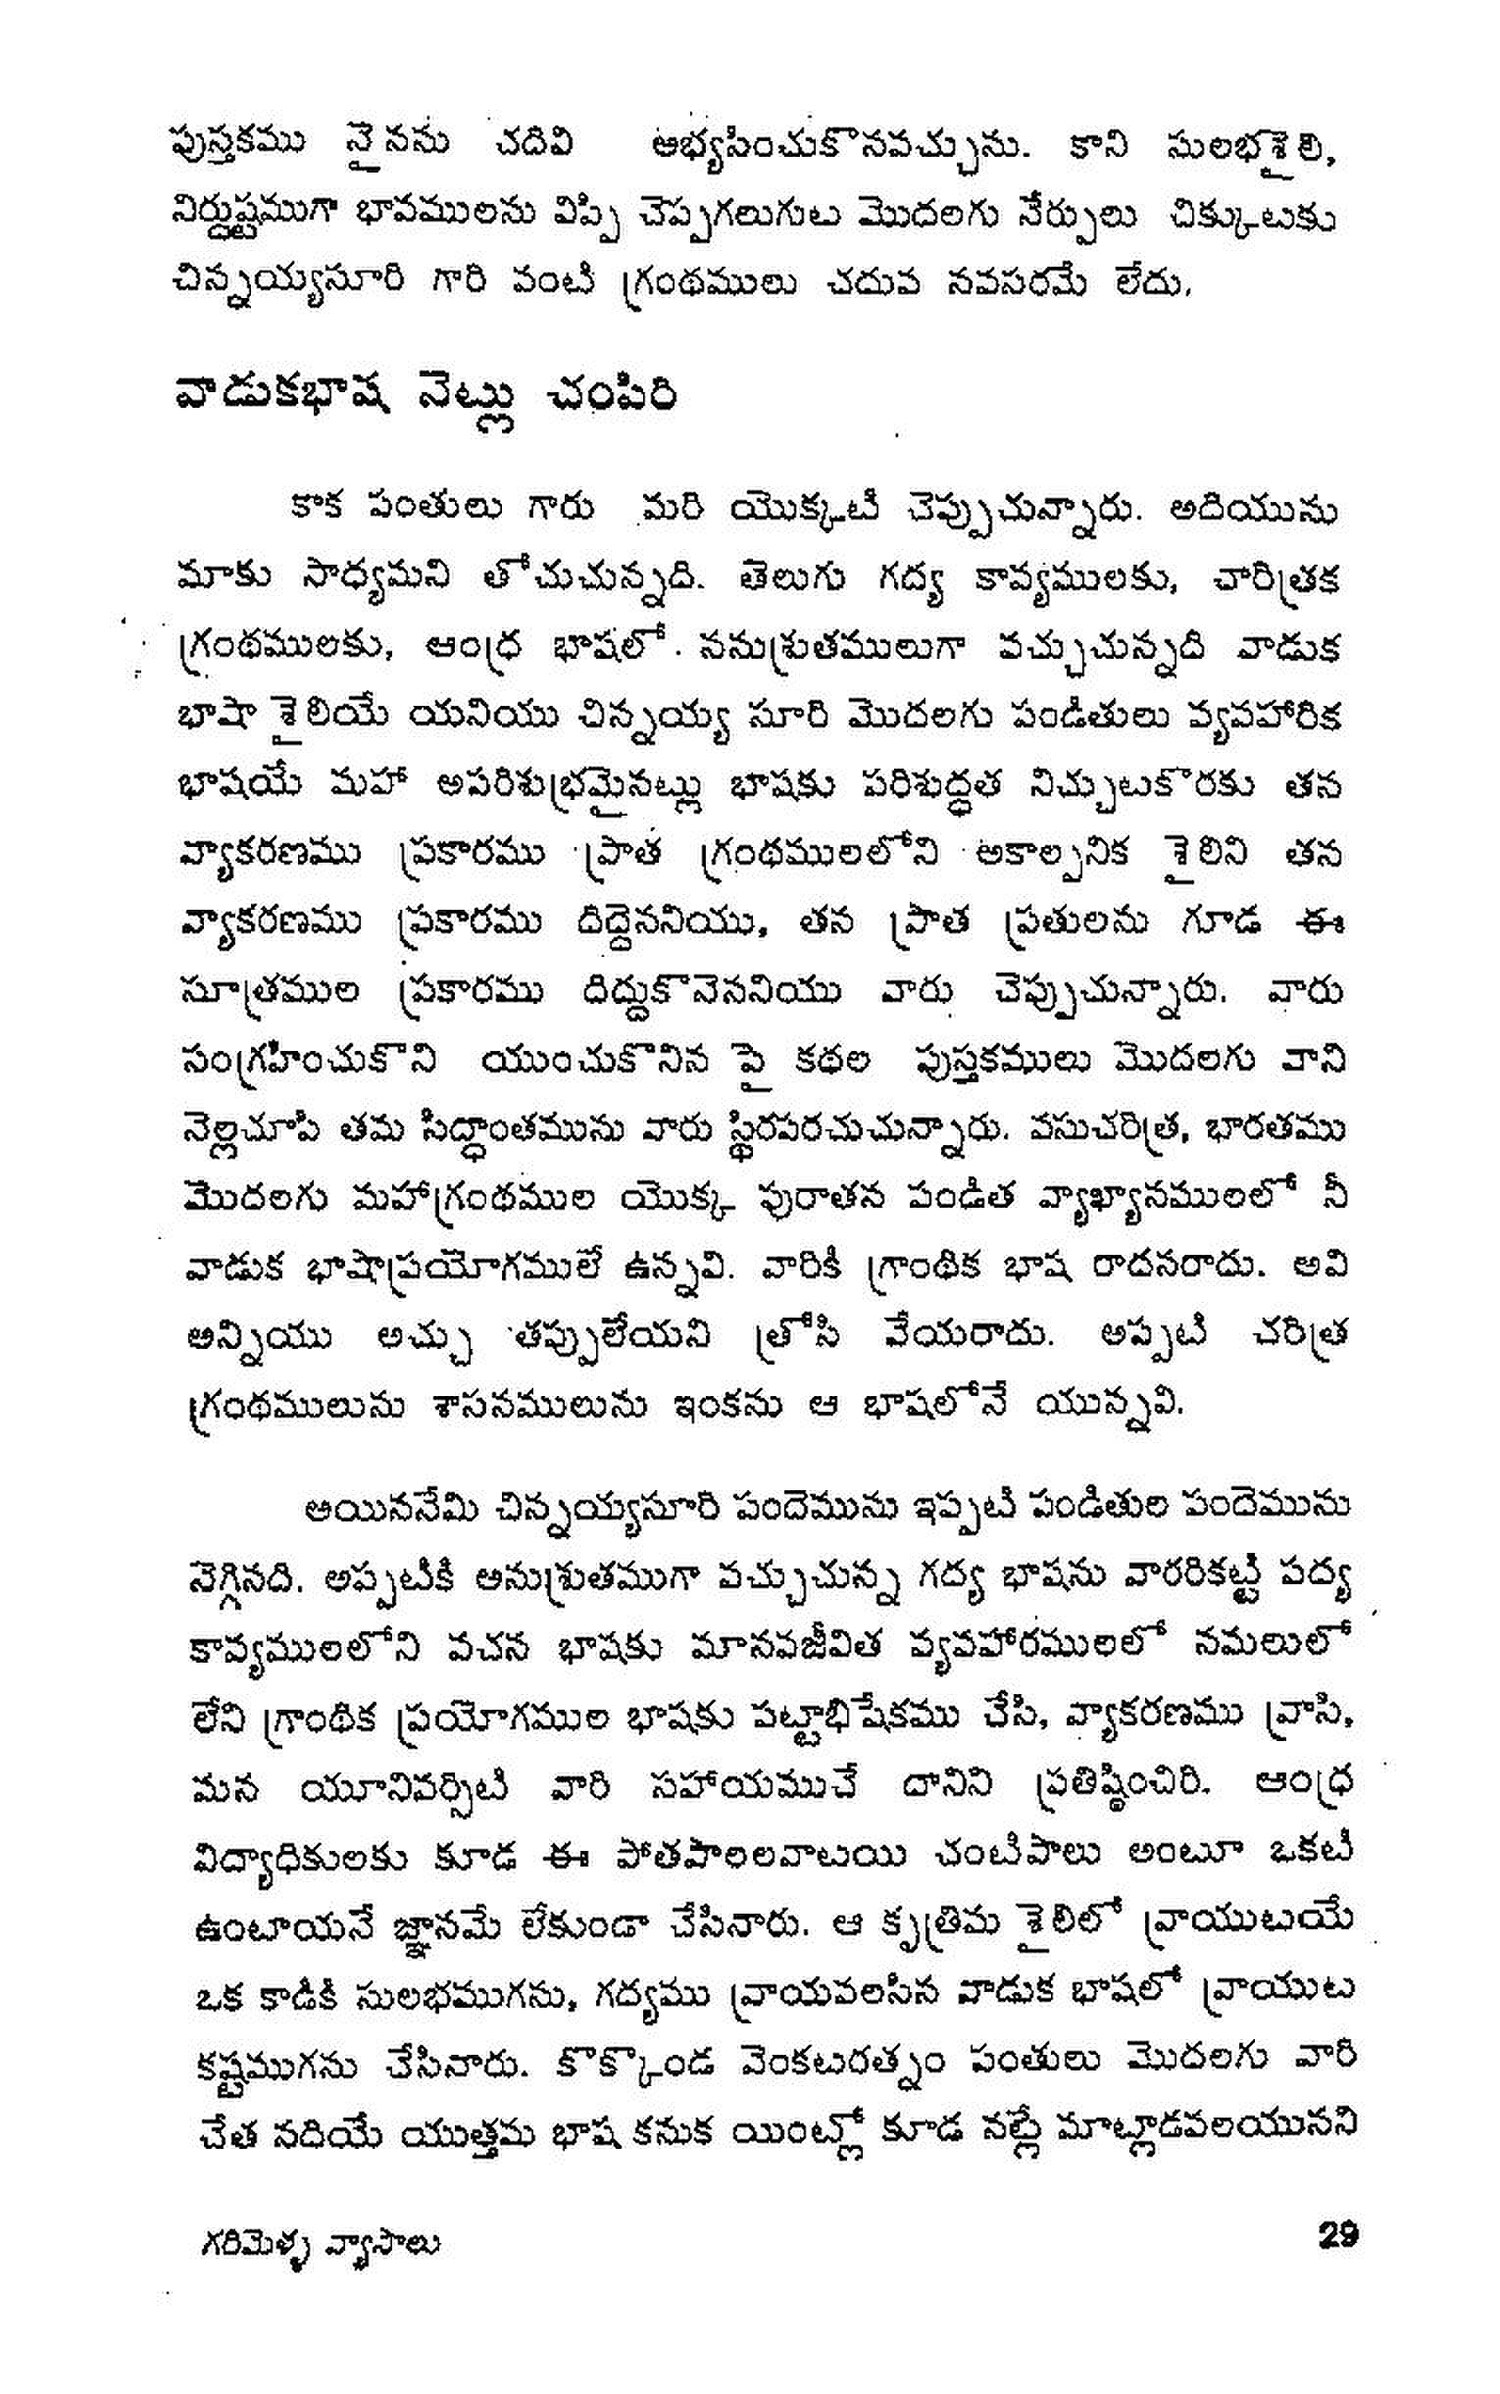పుస్తకము నైనను చదివి అభ్యసించుకొనవచ్చును. కాని సులభశైలి నిర్ధుష్టముగా భావములను విప్పి చెప్పగలుగుట మొదలగు నేర్పులు చిక్కుటకు చిన్నయ్యసూరి గారి వంటి గ్రంథములు చదువ నవసరమే లేదు.

వాడుకభాష నెట్లు చంపిరి

కాక పంతులు గారు మరి యొక్కటి చెప్పుచున్నారు. అదియును మాకు సాధ్యమని తోచుచున్నది. తెలుగు గద్య కావ్యములకు, చారిత్రక గ్రంథములకు, ఆంధ్ర భాషలో ననుశ్రుతములుగా వచ్చుచున్నది వాడుక భాషా శైలియే యనియు చిన్నయ్యసూరి మొదలగు పండితులు వ్యవహారిక భాషయే మహా అపరిశుభ్రమైనట్లు భాషకు పరిశుద్ధత నిచ్చుటకొరకు తన వ్యాకరణము ప్రకారము ప్రాత గ్రంథములలోని అకాల్పనిక శైలిని తన వ్యాకరణము ప్రకారము దిద్దెననియు, తన ప్రాత ప్రతులను గూడ ఈ సూత్రముల ప్రకారము దిద్దుకొనెననియు వారు చెప్పుచున్నారు. వారు సంగ్రహించుకొని యుంచుకొనిన పై కథల పుస్తకములు మొదలగు వాని నెల్లచూపి తమ సిద్ధాంతమును వారు స్థిరపరచుచున్నారు. వసుచరిత్ర, భారతము మొదలగు మహాగ్రంథముల యొక్క పురాతన పండిత వ్యాఖ్యానములలో నీ వాడుక భాషాప్రయోగములే ఉన్నవి. వారికి గ్రాంథిక భాష రాదనరాదు. అవి అన్నియు అచ్చు తప్పులేయని త్రోసి వేయరాదు. అప్పటి చరిత్ర గ్రంథములును శాసనములును ఇంకను ఆ భాషలోనే యున్నవి.

అయిననేమి చిన్నయ్యసూరి పందెమును ఇప్పటి పండితుల పందెమును నెగ్గినది. అప్పటికి అనుశ్రుతముగా వచ్చుచున్న గద్య భాషను వారరికట్టి పద్య కావ్యములలోని వచన భాషకు మానవజీవిత వ్యవహరములలో నమలులో లేని గ్రాంథిక ప్రయోగముల భాషకు పట్టాభిషేకము చేసి, వ్యాకరణము వ్రాసి, మన యూనివర్సిటీ వారి సహాయముచే దానిని ప్రతిష్ఠించిరి. ఆంధ్ర విద్యాధికులకు కూడ ఈ పోతపాలలవాటయి చంటిపాలు అంటూ ఒకటి ఉంటాయనే జ్ఞానము లేకుండా చేసినారు. ఆ కృత్రిమ శైలిలో వ్రాయుటయే ఒక కాడికి సులభముగను, గద్యము వ్రాయవలసిన వాడుక భాషలో వ్రాయుట కష్టముగను చేసినారు. కొక్కొండ వెంకటరత్నం పంతులు మొదలగు వారి చేత నదియే యుత్తమ భాష కనుక యింట్లో కూడ నట్లే మాట్లాడవలయునని